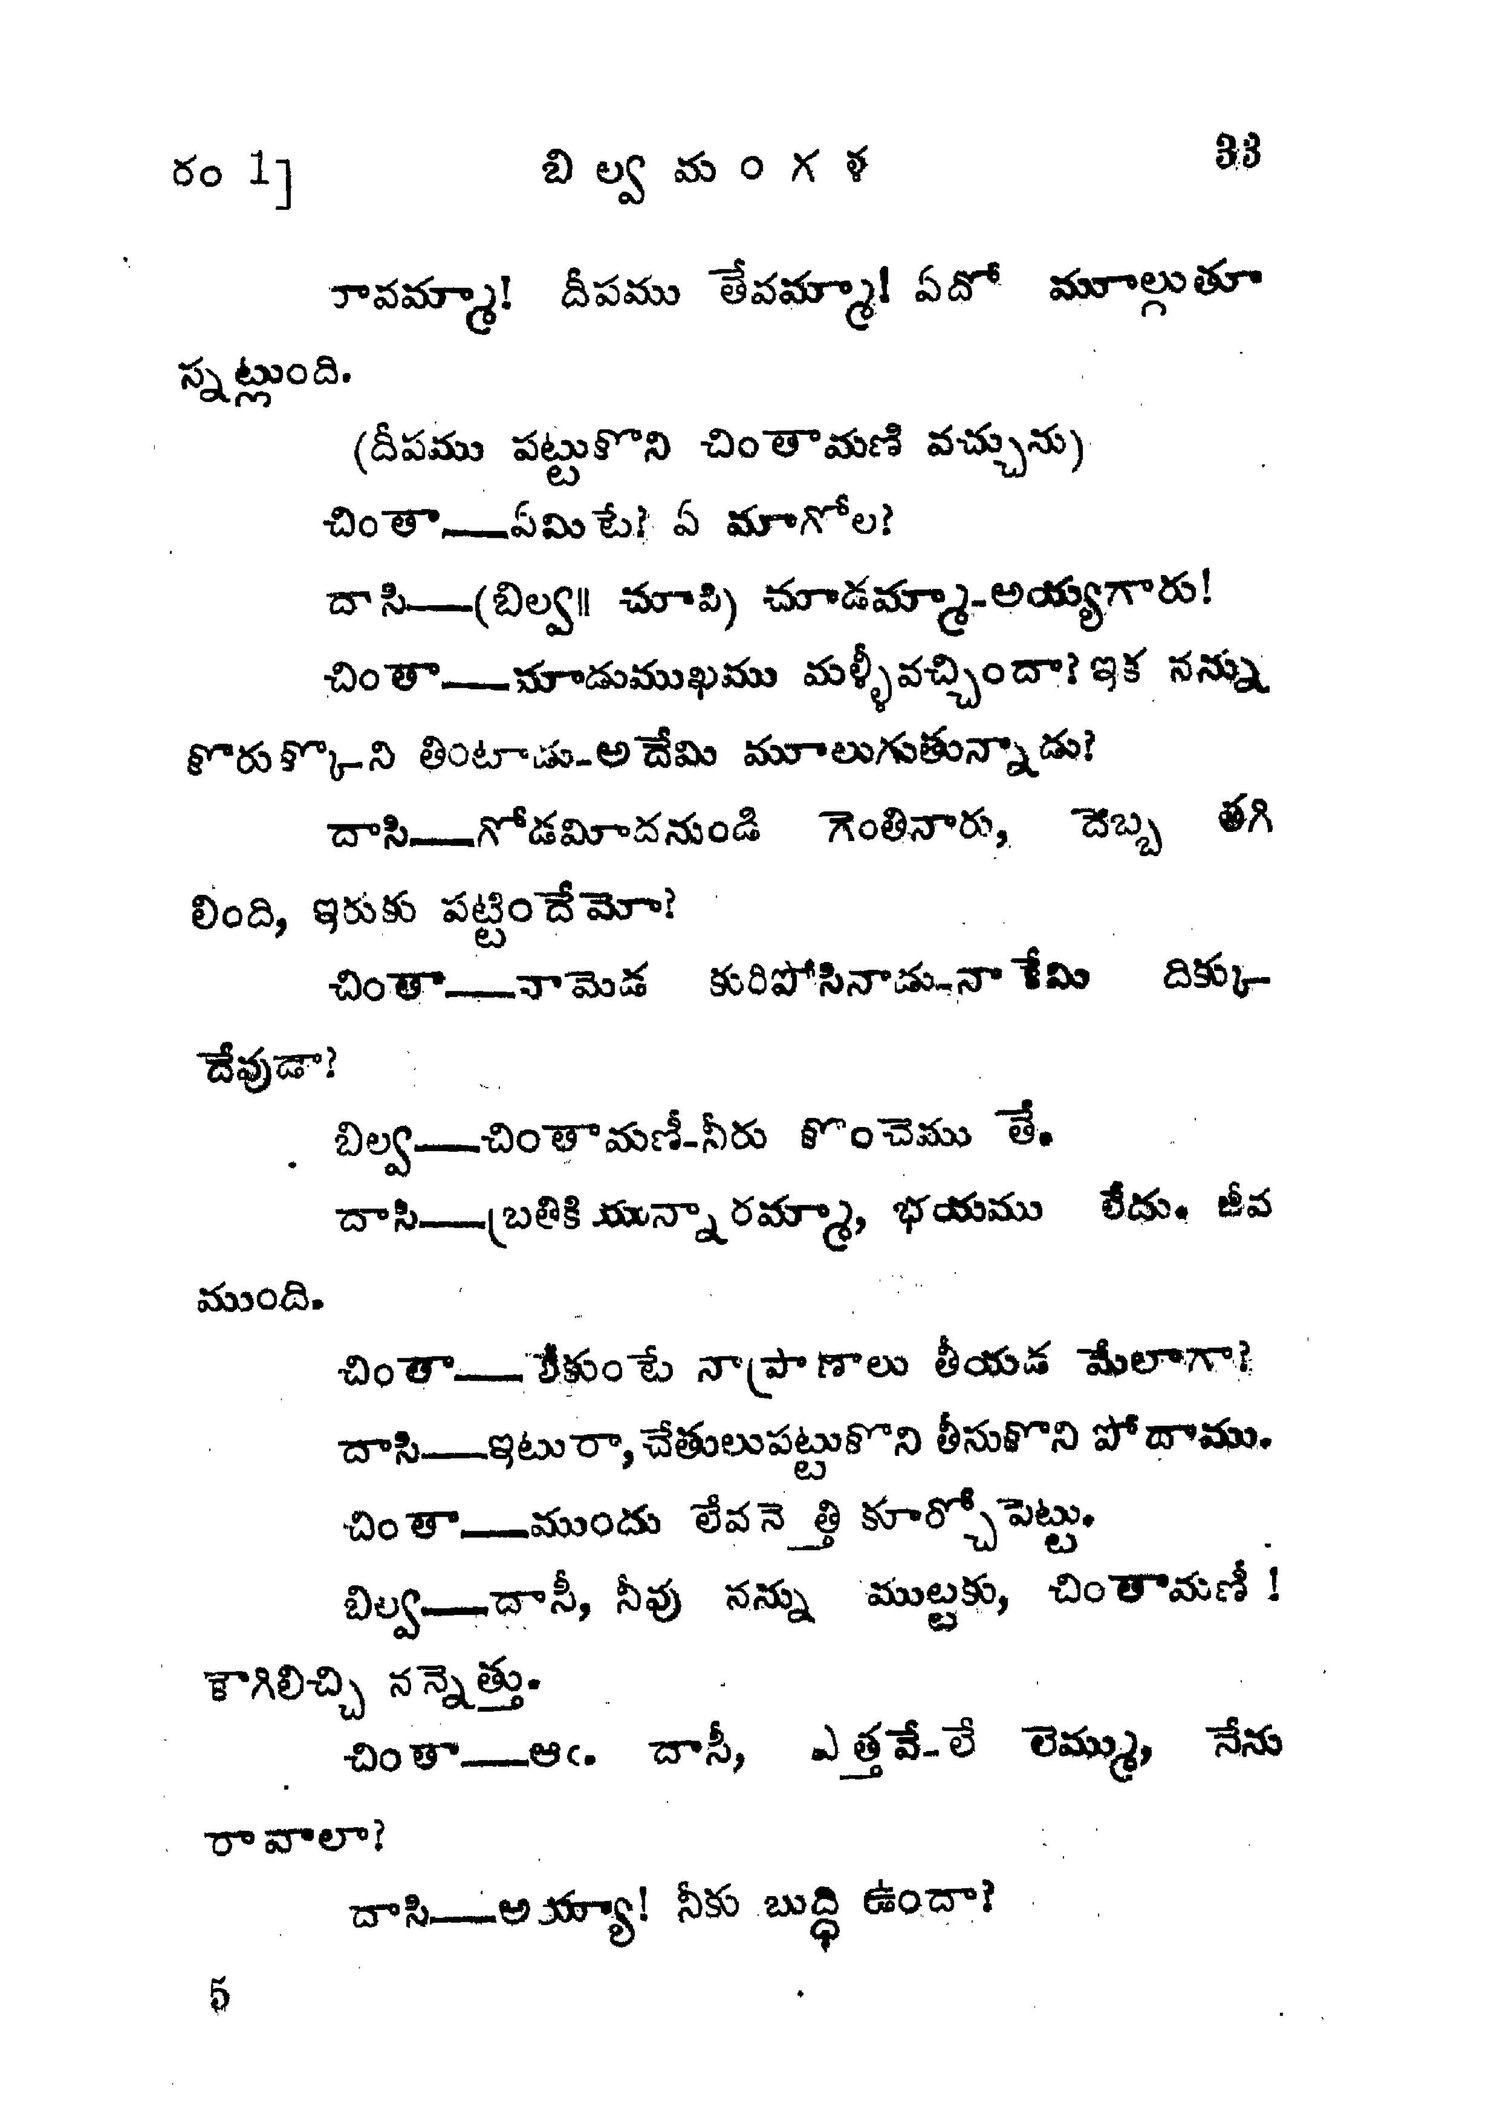రావమ్మా! దీపము తేవమ్మా! ఏదో మూల్గుతూన్నట్లుంది.

చింతా - ఏమిటే? ఏ మాగోల?

దాసి - (బిల్వ|| చూపి) చూడమ్మా-అయ్యగారు!

చింతా - మాడుముఖము మళ్ళీ వచ్చిందా? ఇక నన్ను కొరుక్కొని తింటాడు-అదేమి మూలుగుతున్నాడు?

దాసి - గోడమీదనుండి గెంతినారు, దెబ్బ తగిలింది, ఇరుకు పట్టిందేమో?

చింతా - నామెడ కురిపోసినాడు-నాకేమి దిక్కు దేవుడా?

బిల్వ - చింతామణీ-నీరు కొంచెము తే.

దాసి - బ్రతికియున్నా రమ్మా, భయము లేదు. జీవముంది.

చింతా - లేకుంటే నాప్రాణాలు తీయడ మేలాగా?

దాసి - ఇటురా, చేతులుపట్టుకొని తీసుకొని పోదాము.

చింతా - ముందు లేవనెత్తి కూర్చోపెట్టు.

బిల్వ - దాసీ, నీవు నన్ను ముట్టకు, చింతామణీ! కౌగిలిచ్చి నన్నెత్తు.

చింతా - ఆఁ. దాసీ, ఎత్తవే-లే లెమ్ము, నేను రావాలా?

దాసి - అయ్యా! నీకు బుద్ధి ఉందా?